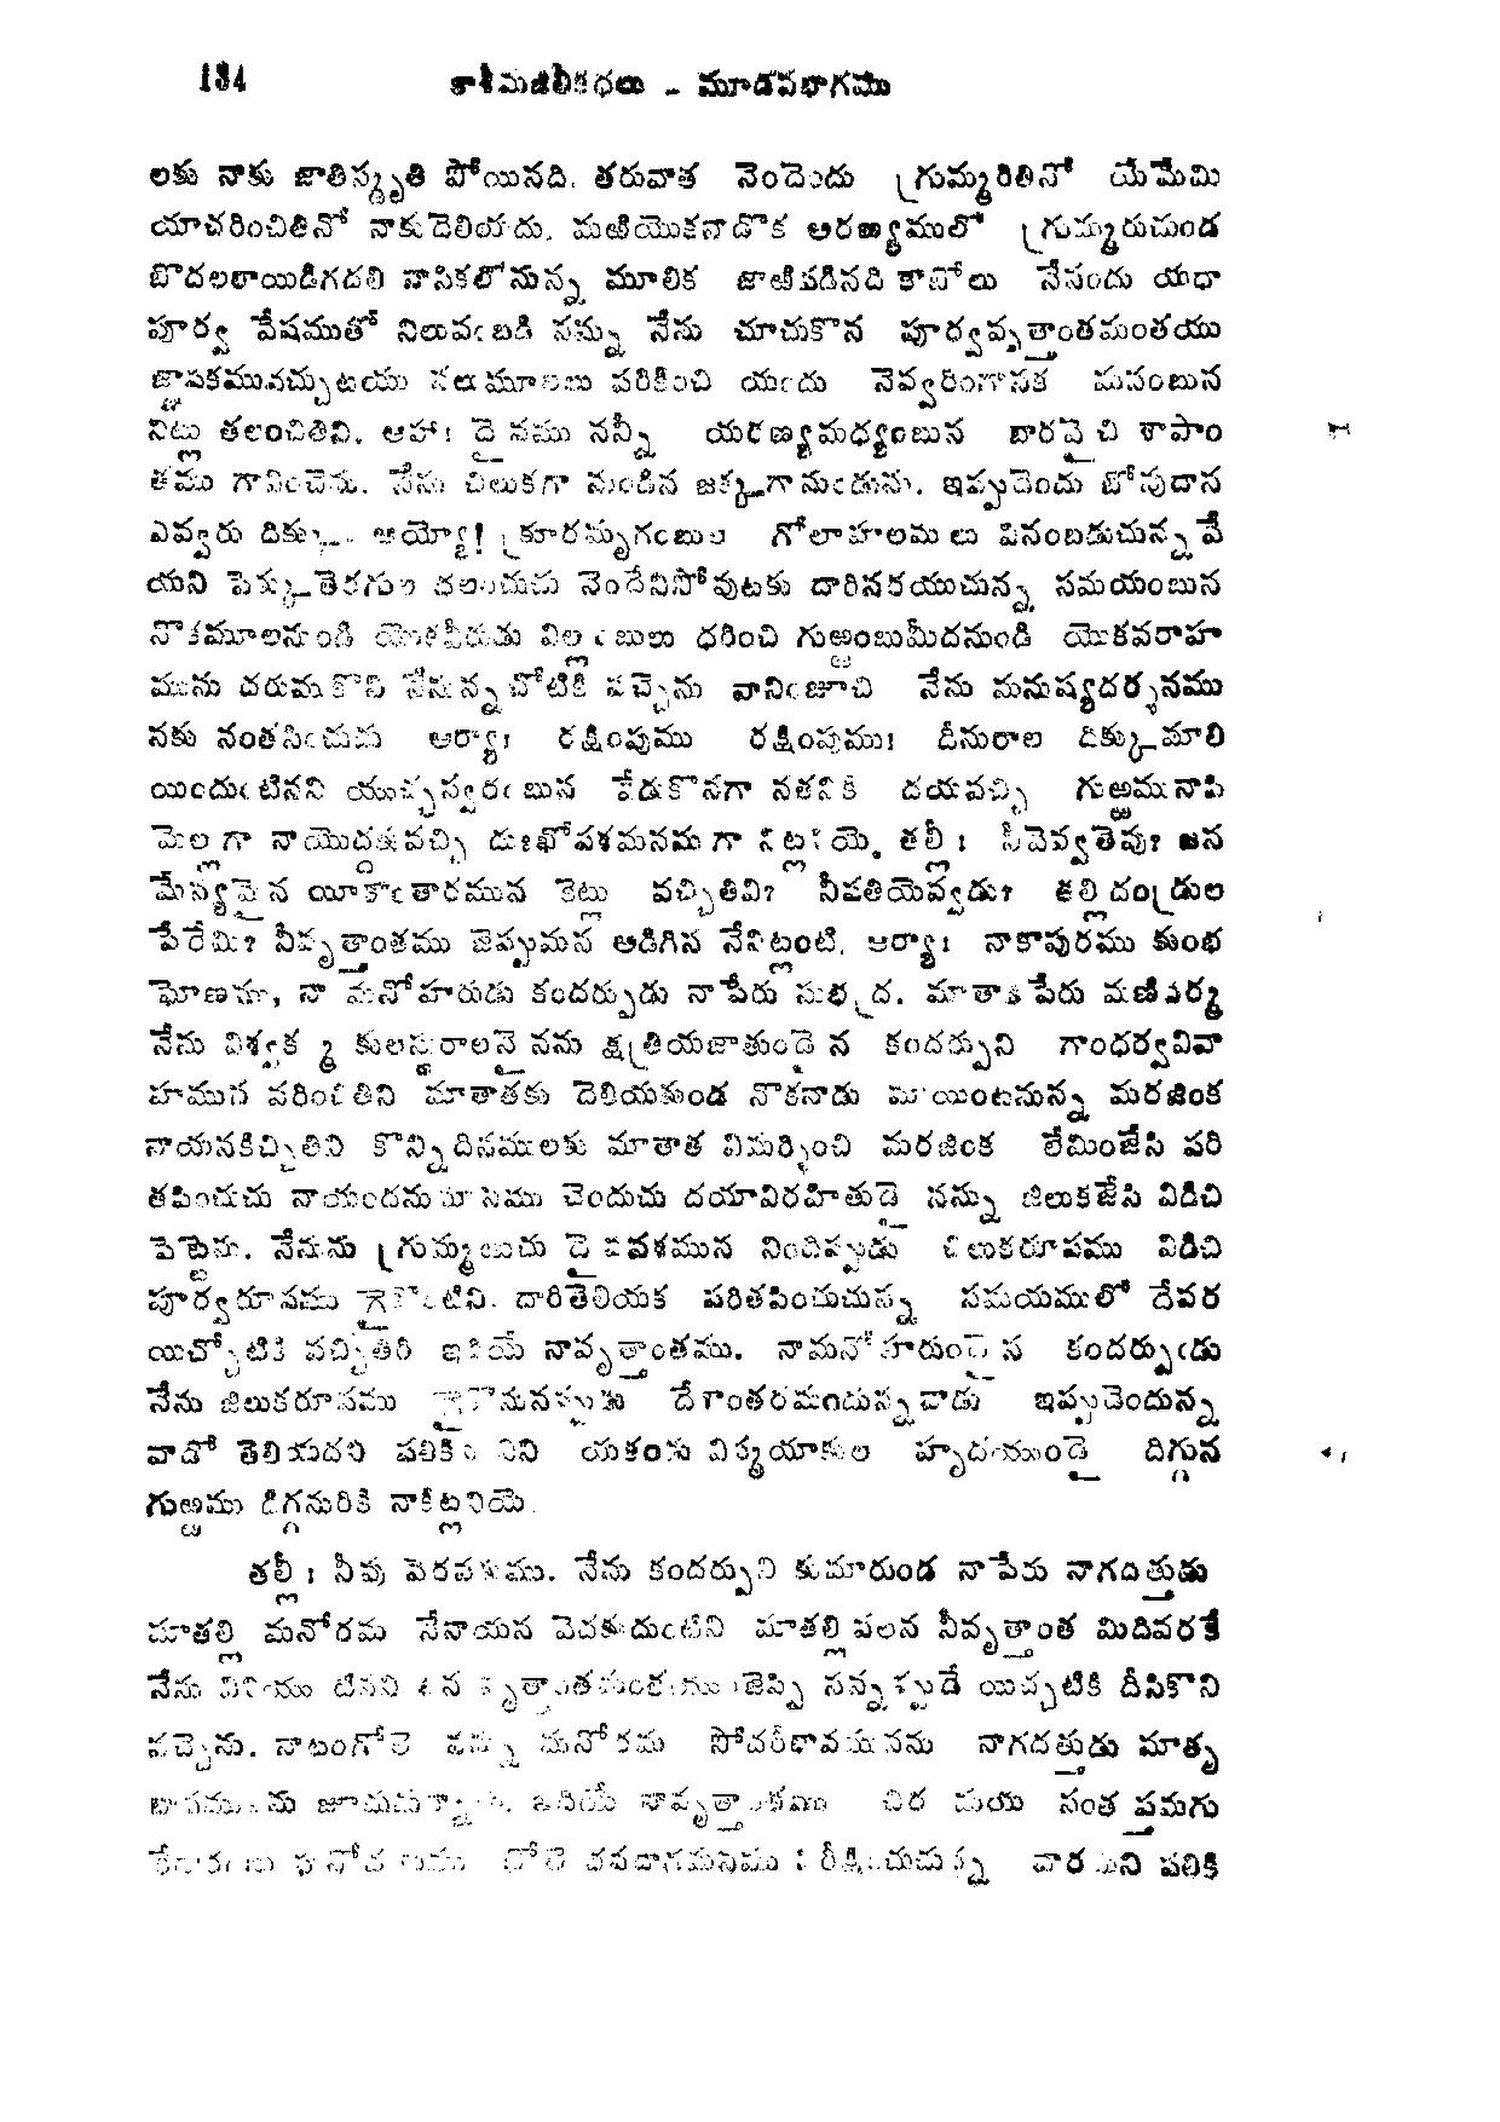లకు నాకు జాతిస్మృతి పోయినది. తరువాత నెందెందు గ్రుమ్మరితినో యేమేమి యాచరించితినో నాకుదెలియదు. మఱియొకనాడొక అరణ్యములో గ్రుమ్మరుచుండ బొదలరాయిడిగదలి నాసికలోనున్న మూలిక జాఱిపడినది కాబోలు నేనందు యథాపూర్వవేషముతో నిలువంబడి నన్ను నేను చూచుకొన పూర్వవృత్తాంతమంతయు జ్ఞాపకమువచ్చుటయు నలుమూలలు పరికించి యందు నెవ్వరింగానక మనంబున నిట్లు తలంచితిని. ఆహా! దైవము నన్నీ యరణ్యమధ్యంబున బారవైచి శాపాంతము గావించెను. నేను చిలుకగా నుండిన జక్కగానుండును. ఇప్పుడెందు బోవుదాన ఎవ్వరు దిక్కు అయ్యో! క్రూరమృగంబుల గోలాహలములు వినంబడుచున్న వే యని పెక్కుతెరగుల దలంచుచు నెందేనిసోవుటకు దారినరయుచున్న సమయంబున నొకమూలనుండి యొకవీరుడు విల్లంబులు ధరించి గుఱ్ఱంబుమీదనుండి యొకవరాహమును దరుముకొని నేనున్న చోటికి వచ్చెను వానిఁజూచి నేను మనుష్యదర్శనమునకు సంతసించుచు ఆర్యా! రక్షింపుము రక్షింపుము! దీనురాల దిక్కుమాలి యిందుంటినని యుచ్ఛస్వరంబున వేడుకొనగా నతనికి దయవచ్చి గుఱ్ఱమునాపి మెల్లగా నాయొద్దకువచ్చి దుఃఖోపశమనముగా నిట్లనియె. తల్లీ ! నీవెవ్వతెవు? జన మేన్యమైన యీకాంతారమున కెట్లు వచ్చితివి? నీపతియెవ్వడు? తల్లిదండ్రుల పేరేమి? నీవృత్తాంతము జెప్పుమన అడిగిన నేనిట్లంటి. ఆర్యా! నాకాపురము కుంభఘోణము, నా మనోహరుడు కందర్పుడు నాపేరు సుభద్ర. మాతాతపేరు మణివర్మ నేను విశ్వకర్మ కులస్థురాలనైనను క్షత్రియజాతుండైన కందర్పుని గాంధర్వవివాహమున వరించితిని మాతాతకు దెలియకుండ నొకనాడు మాయింటనున్న మరజింక
నాయనకిచ్చితిని కొన్నిదినములకు మాతాత విమర్శించి మరజింక లేమింజేసి పరితపించుచు నాయందనుమానము చెందుచు దయావిరహితుడై నన్ను జిలుకజేసి విడిచి పెట్టెను. నేనును గ్రుమ్మఱుచు దైవవశమున నిందిప్పుడు చిలుకరూపము విడిచి పూర్వరూపము గైకొంటిని. దారితెలియక పరితపించుచున్న సమయములో దేవర యిచ్చోటికి వచ్చితిరి ఇదియే నావృత్తాంతము. నామనోహరుండైన కందర్పుఁడు నేను జిలుకరూపము గైకొనునప్పుడు దేశాంతరమందున్నవాడు. ఇప్పుడెందున్న వాడో తెలియదని పలికినవిని యతండు విస్మయాకుల హృదయుండై దిగ్గున గుఱ్ఱము దిగ్గనురికి నాకిట్లనియె.

తల్లీ! నీవు వెరవకుము. నేను కందర్పుని కుమారుండ నాపేరు నాగదత్తుడు మాతల్లి మనోరమ నేనాయన వెదకుచుంటిని మాతల్లివలన నీవృత్తాంత మిదివరకే నేను వినియుంటినని తన వృత్తాంతమంతయుంజెప్పి నన్నప్పుడే యిచ్చటికి దీసికొని వచ్చెను. నాటంగోలె నన్ను మనోరమ సోదరీభావమునను నాగదత్తుడు మాతృభావమునను జూచుచున్నారు. ఇదియే నావృత్తాంతము. చిరసమయ సంతృప్తమగు కేదారంబు ఘనోదయము బోలె భవదాగమనము నిరీక్షించుచున్న వారమని పలికి